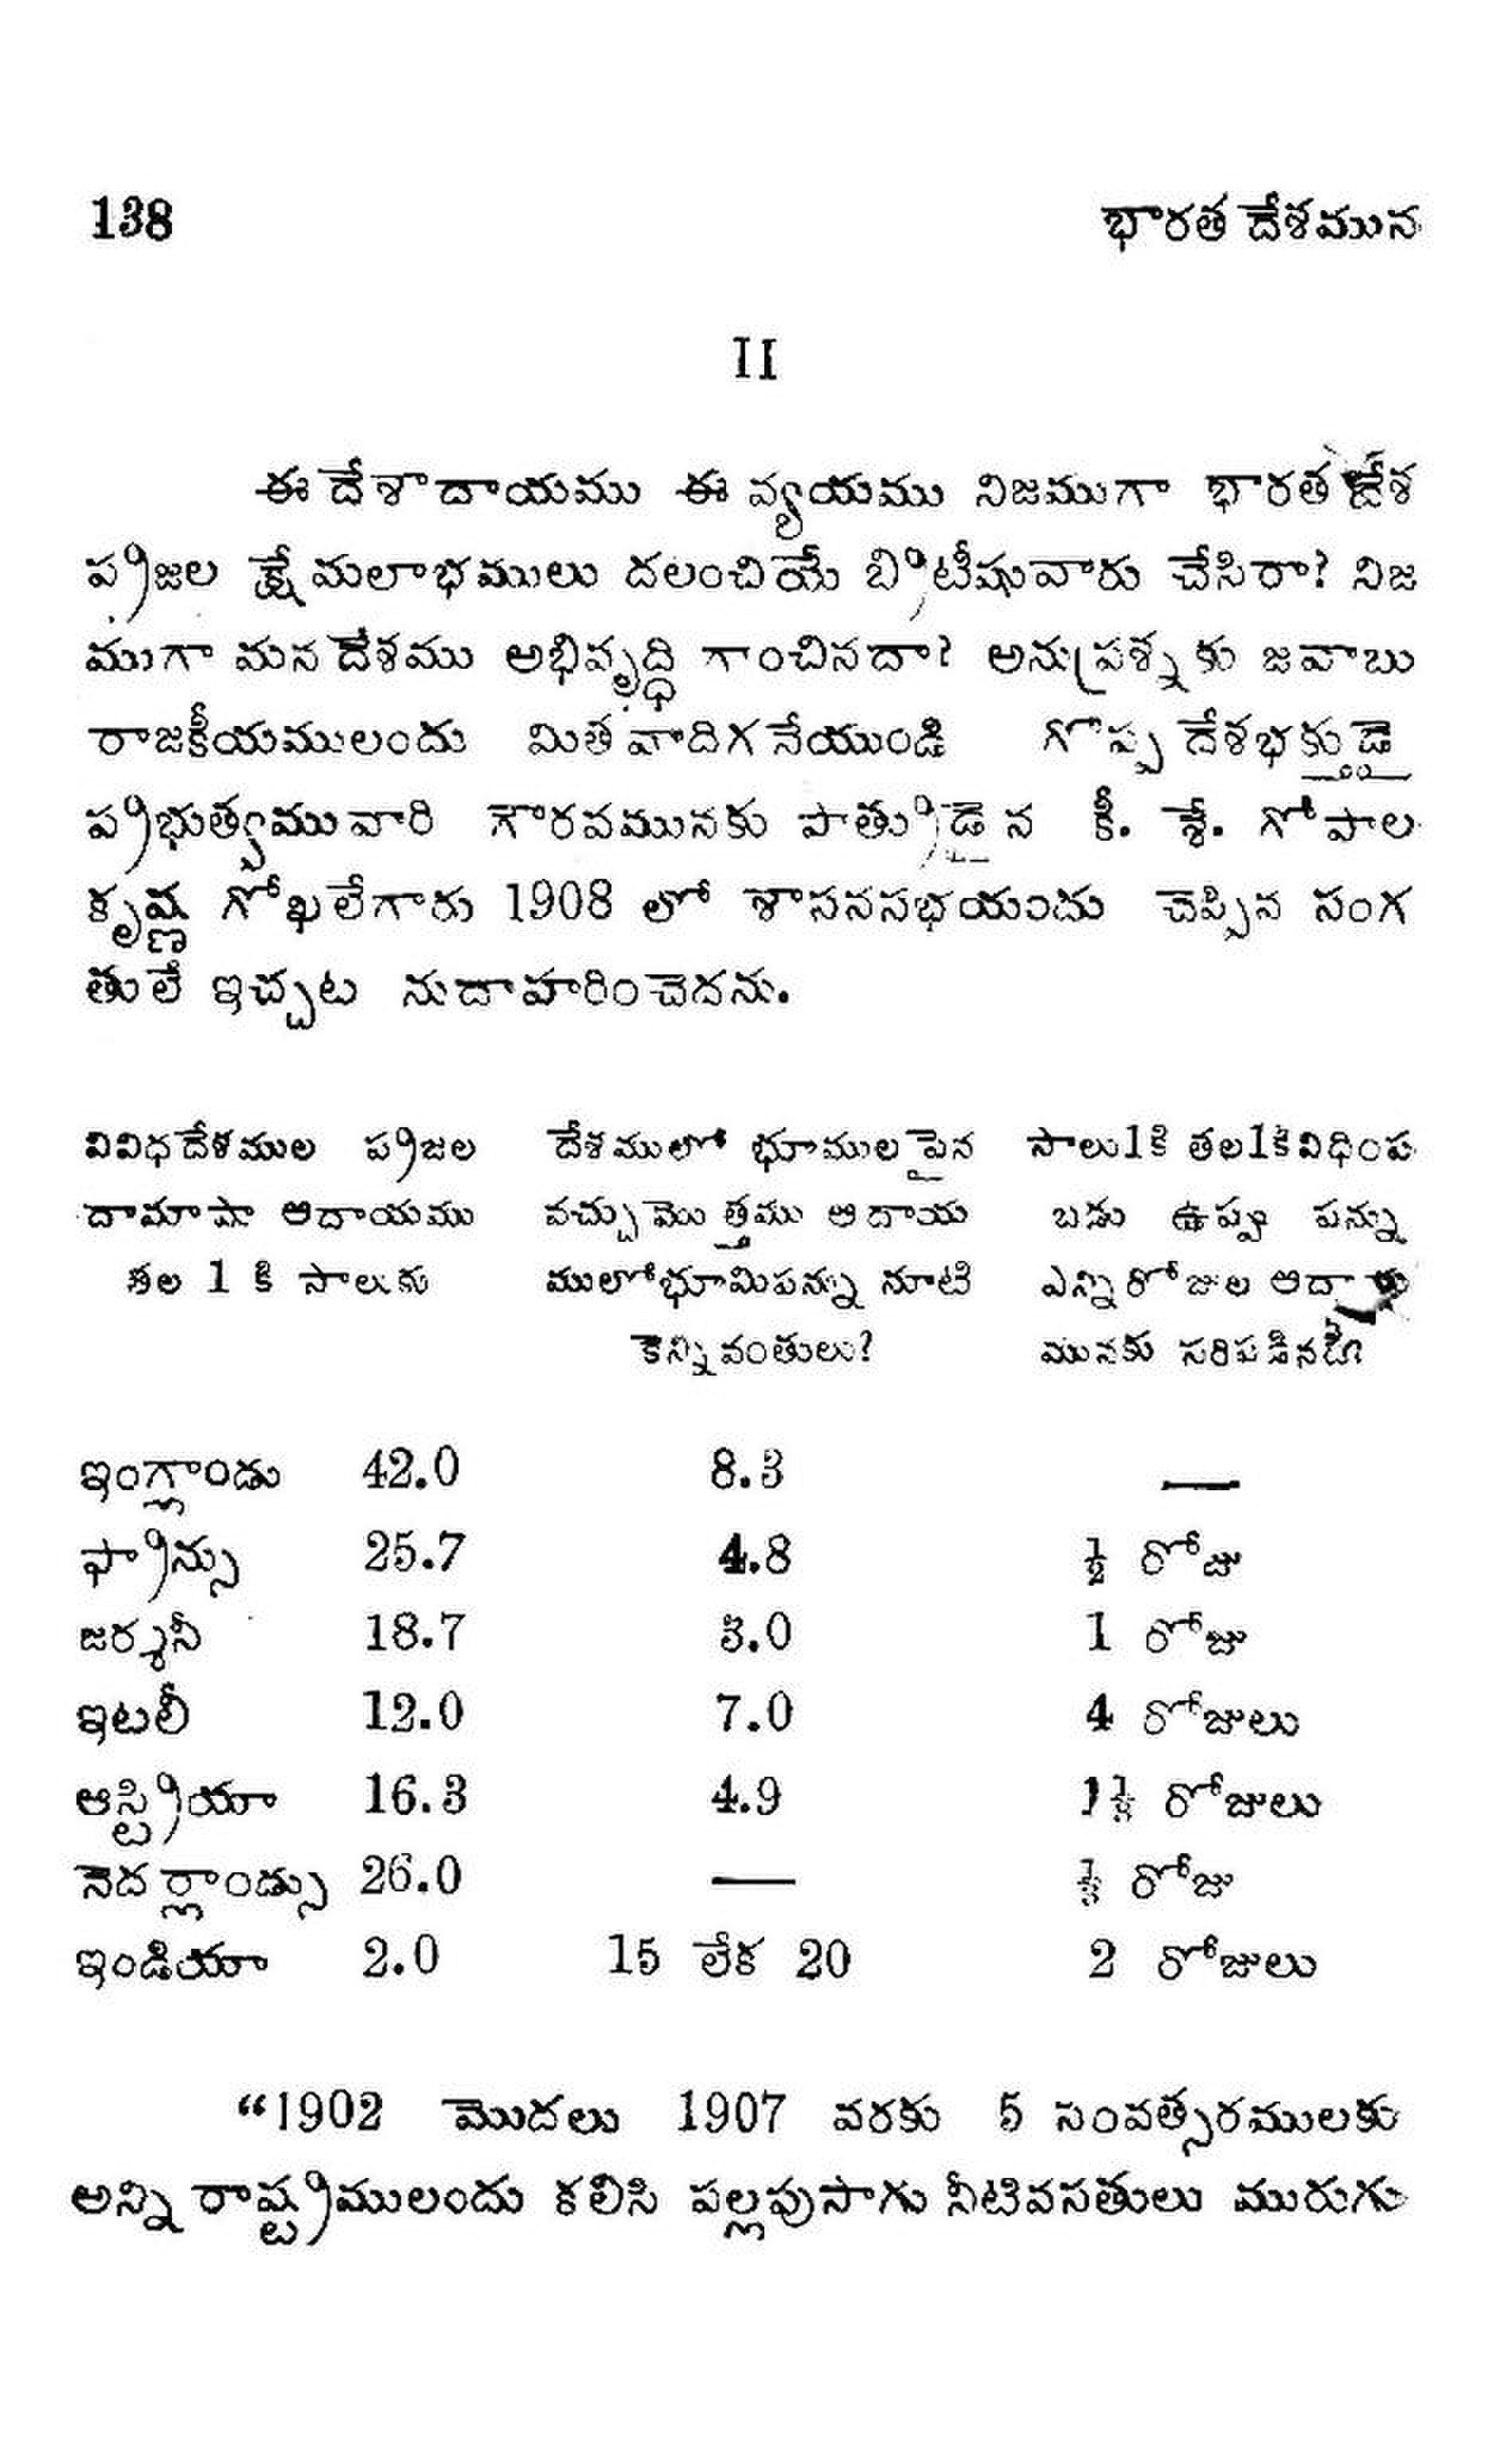II

ఈదేశాదాయము ఈ వ్యయము నిజముగా భారతదేశ ప్రజల క్షేమలాభములు దలంచియే బ్రిటీషువారు చేసిరా? నిజముగా మనదేశము అభివృద్ధి గాంచినదా? అన్నప్రశ్నకు జవాబు రాజకీయములందు మితవాదిగనేయుండి గొప్పదేశభక్తుడై ప్రభుత్వమువారి గౌరవమునకు పాత్రుడైన కీ. శే. గోపాలకృష్ణ గోఖలేగారు 1908 లో శాసనసభయందు చెప్పిన సంగతులే నుదాహరించెదను.

 దేశము వివిధదేశముల ప్రజల దామాషా ఆదాయము తల 1కి సాలుకు దేశములో భూములపైనవచ్చు మొత్తము ఆదాయములోభూమిపన్ను నూటి కెన్నివంతులు? సాలు 1కి తల 1కి విధింపబడు ఉప్పు పన్ను ఎన్నిరోజుల ఆదాయమునకు సరిపడినది? ఇంగ్లాండు 42.0 8.3 - ఫ్రాన్సు 25.7 4.8 1/2 రోజు జర్మనీ 18.7 3.0 1 రోజు ఇటలీ 12.0 7.0 4 రోజులు ఆస్ట్రియా 16.3 4.9 1 1/8 రోజులు నెదర్లాండ్సు 26.0 - 1/3 రోజు ఇండియా 2.0 15 లేక 20 2 రోజులు

"1902 మొదలు 1907 వరకు 5 సంవత్సరములకు అన్నిరాష్ట్రములందు కలిసి పల్లపుసాగు నీటివసతులు మురుగు